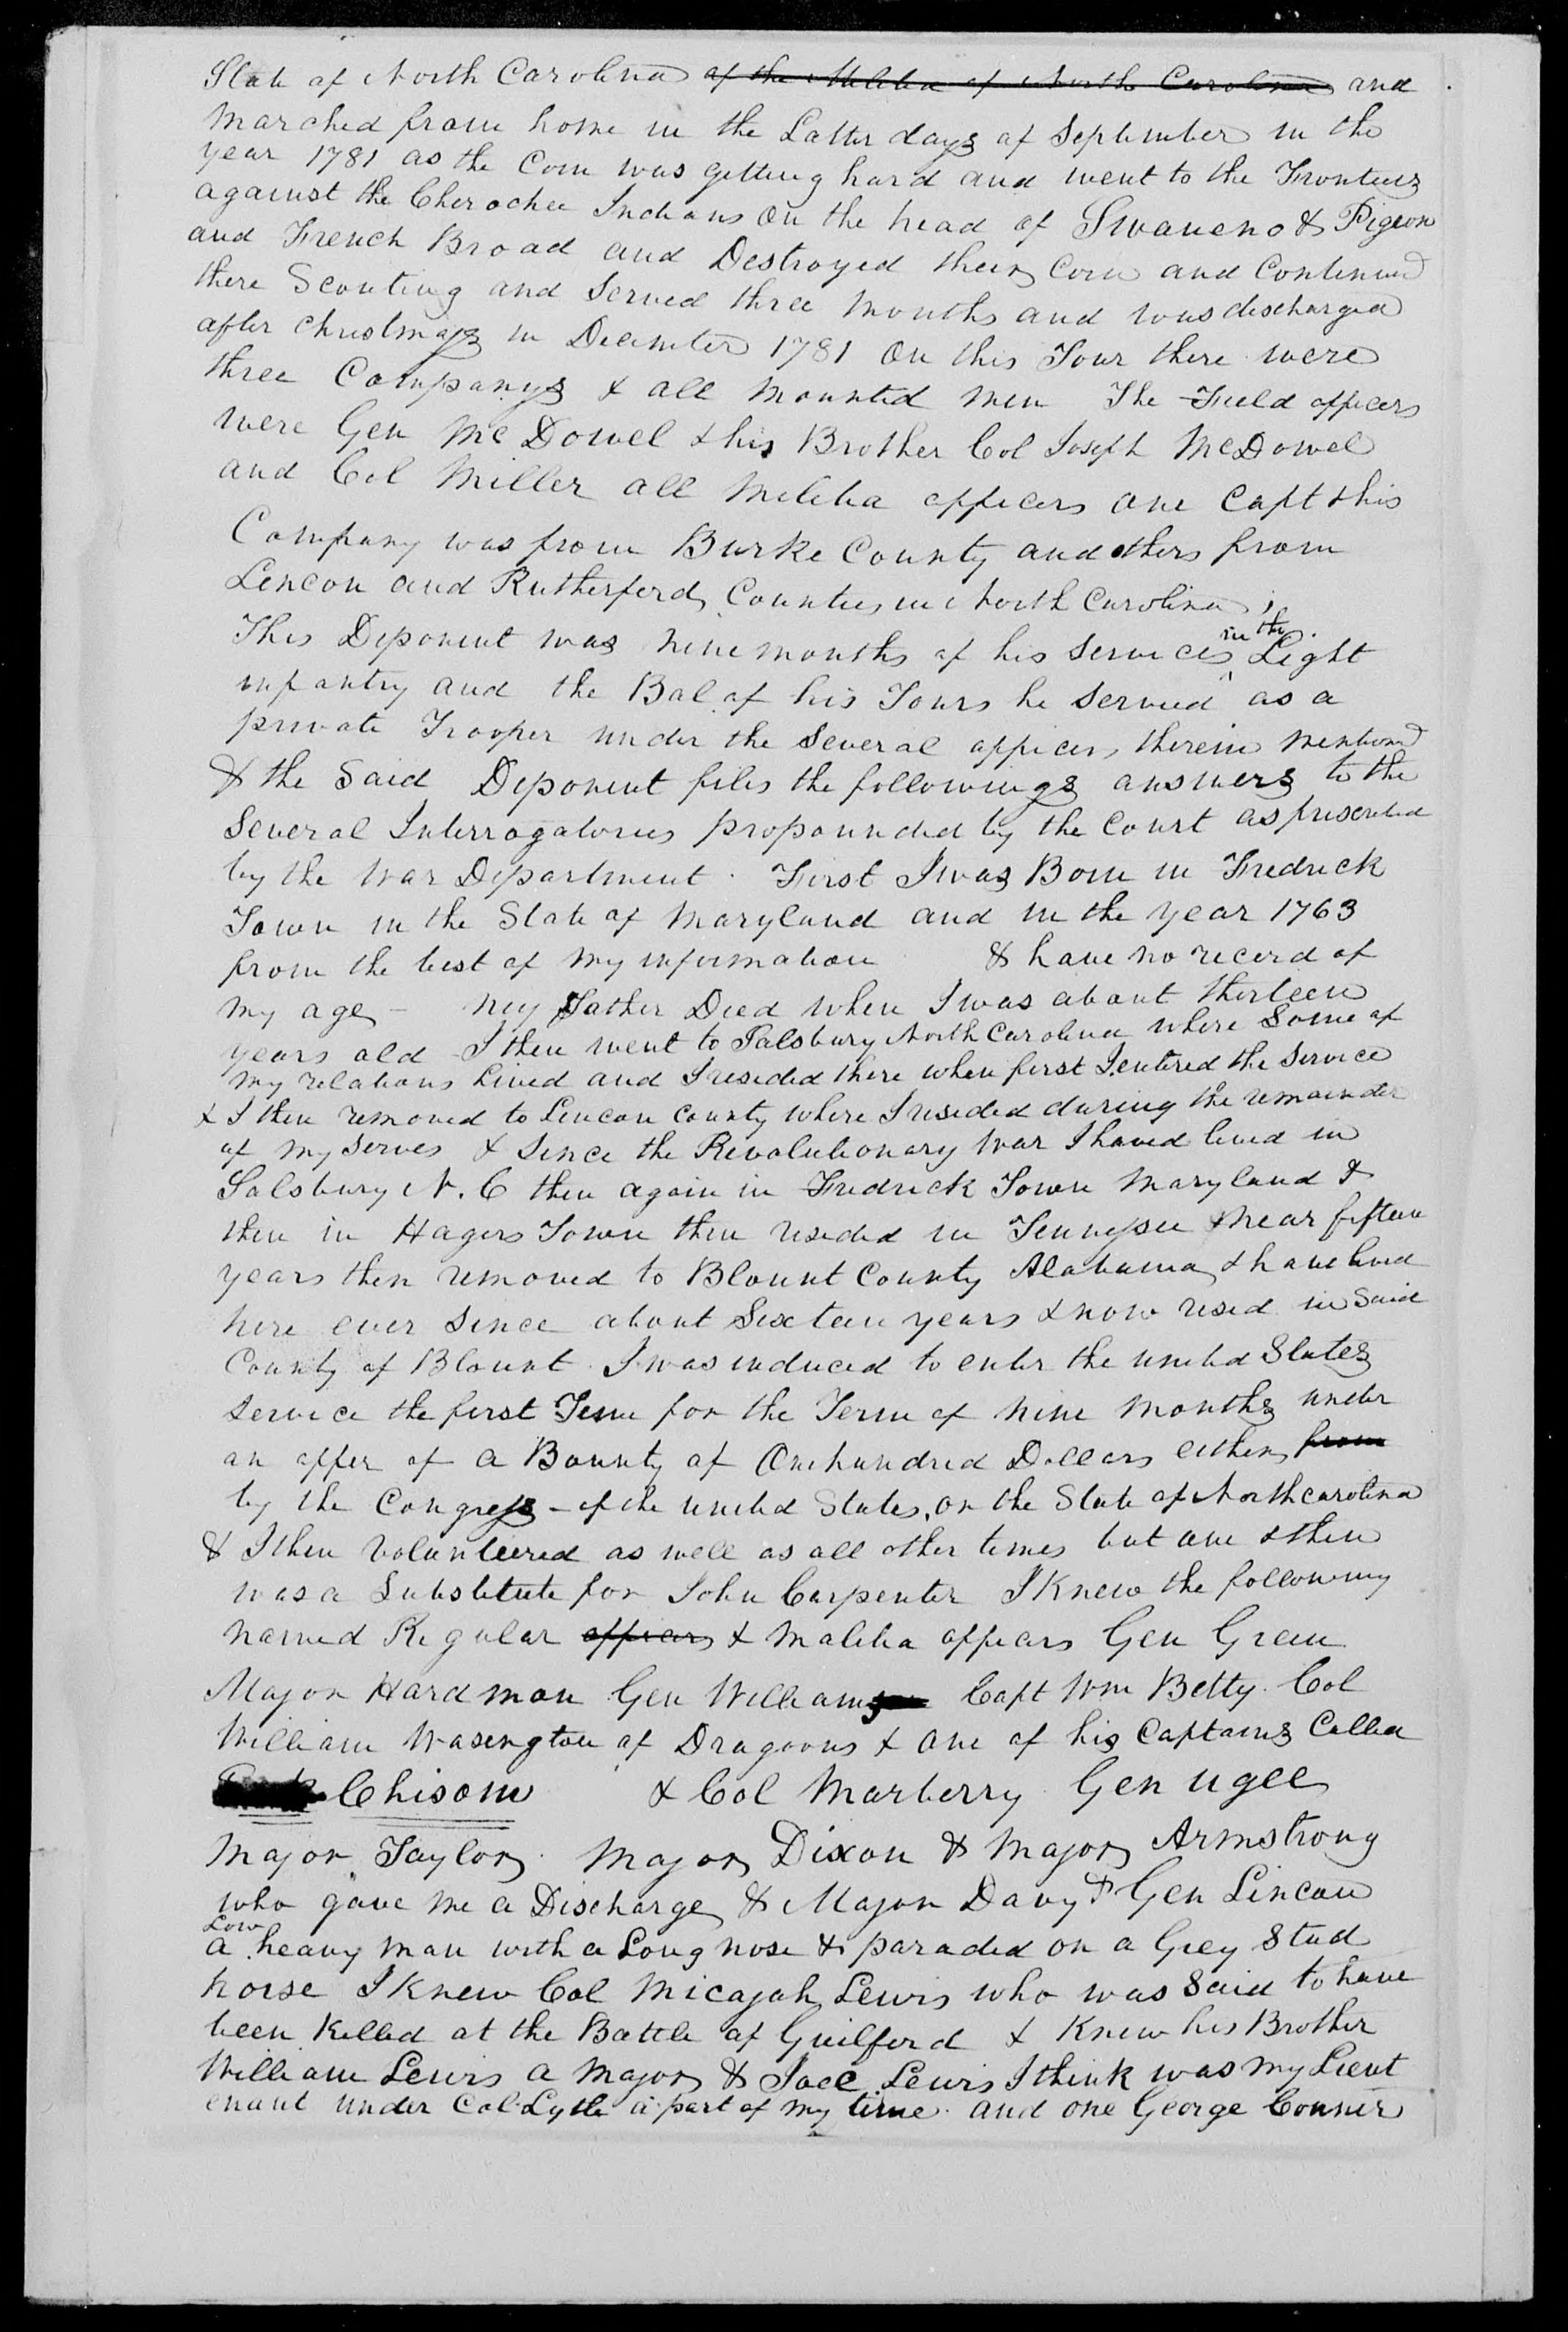State of North Carolina and
marched from home in the Latter days of September in the year 1781 as the corn was getting hard and went to the Frontiers
against the Cherochee [Cherokee]  Indians on the head of Savannah & Pigeon and French Broad and destroyed their corn and continued
there scouting and served three months and was discharged after Christmas in December 1781 on this Tour there were three companys & all mounted men the Field officers
were Gen McDowel & his Brother Col Joseph McDowel and Col Miller all militia officers one Capt & his Company was from Burke County and others from Lincon and Rutherford Counties in North Carolina
This Deponent was nine months of his service in the Light infantry and the Bal. of his Tours he served as a private Trooper under the several officers therein mentioned & the said Deponent files the following answers to the
Several Interrogatories propounded by the Court as prescribed by the War Department. First I was born in Fredrick Town in the State of Maryland and in the year 1763 from the best of my information & have no record of my age - my Father Died when I was about thirteen
years old I then went to Salsbury North Carolina where some of my relations lived and I resided there when first entered the service
I then removed to Lincon County where I resided during the remainder of my serves & since the Revolutionary war I have lived in
Salsbury N. C then again in Fredrick Town Maryland & then in Hagers Town then resided in Tennessee near fifteen years then removed to Blount County Alabama & have lived
here ever since about sixteen years & now resid [reside]  in said County of Blount I was induced to enter the United States
service the first Time for the Term of nine months under an offer of a Bounty of One hundred Dollars either by the Congress of the United States, or the State of North Carolina
& I then volunteered as well as all other times but one & then was a substitute for John Carpenter I knew the following
named Regular & Malitia [Militia] officers Gen Green Major Hardman Gen Williams Capt Wm Betty Col William Washington of Dragoons & one of his Captains called Chisom & Col Marberry Gen Ugee Major Taylor, Major Dixon & Major Armstrong who gave me a Discharge & Major Davy & Gen Lincon a Low heavy man with a long rose & paraded on a Grey Stud
horse I knew Col Micajah Lewis who was said to have been killed at the Battle of Guilford & knew his Brother William Lewis a Major & Joel Lewis I think was my Lieutenant under Col. Lytle a part of my time. and one George Conner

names: Chisom, Lincon, Taylor, Dixon, William Lewis, Micajah Lewis, Hardman, Miller, Joseph Mc Dowel, Lytle, Armstrong, Ugee, William Wasengton, Wm Betty, Williams, John Carpenter, Marberry, Grew, Mc Dowel, Joel Lewis, Davy, George Conner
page: 11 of 18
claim: survivor's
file: S. 15176, George Hofstalar, N.C.